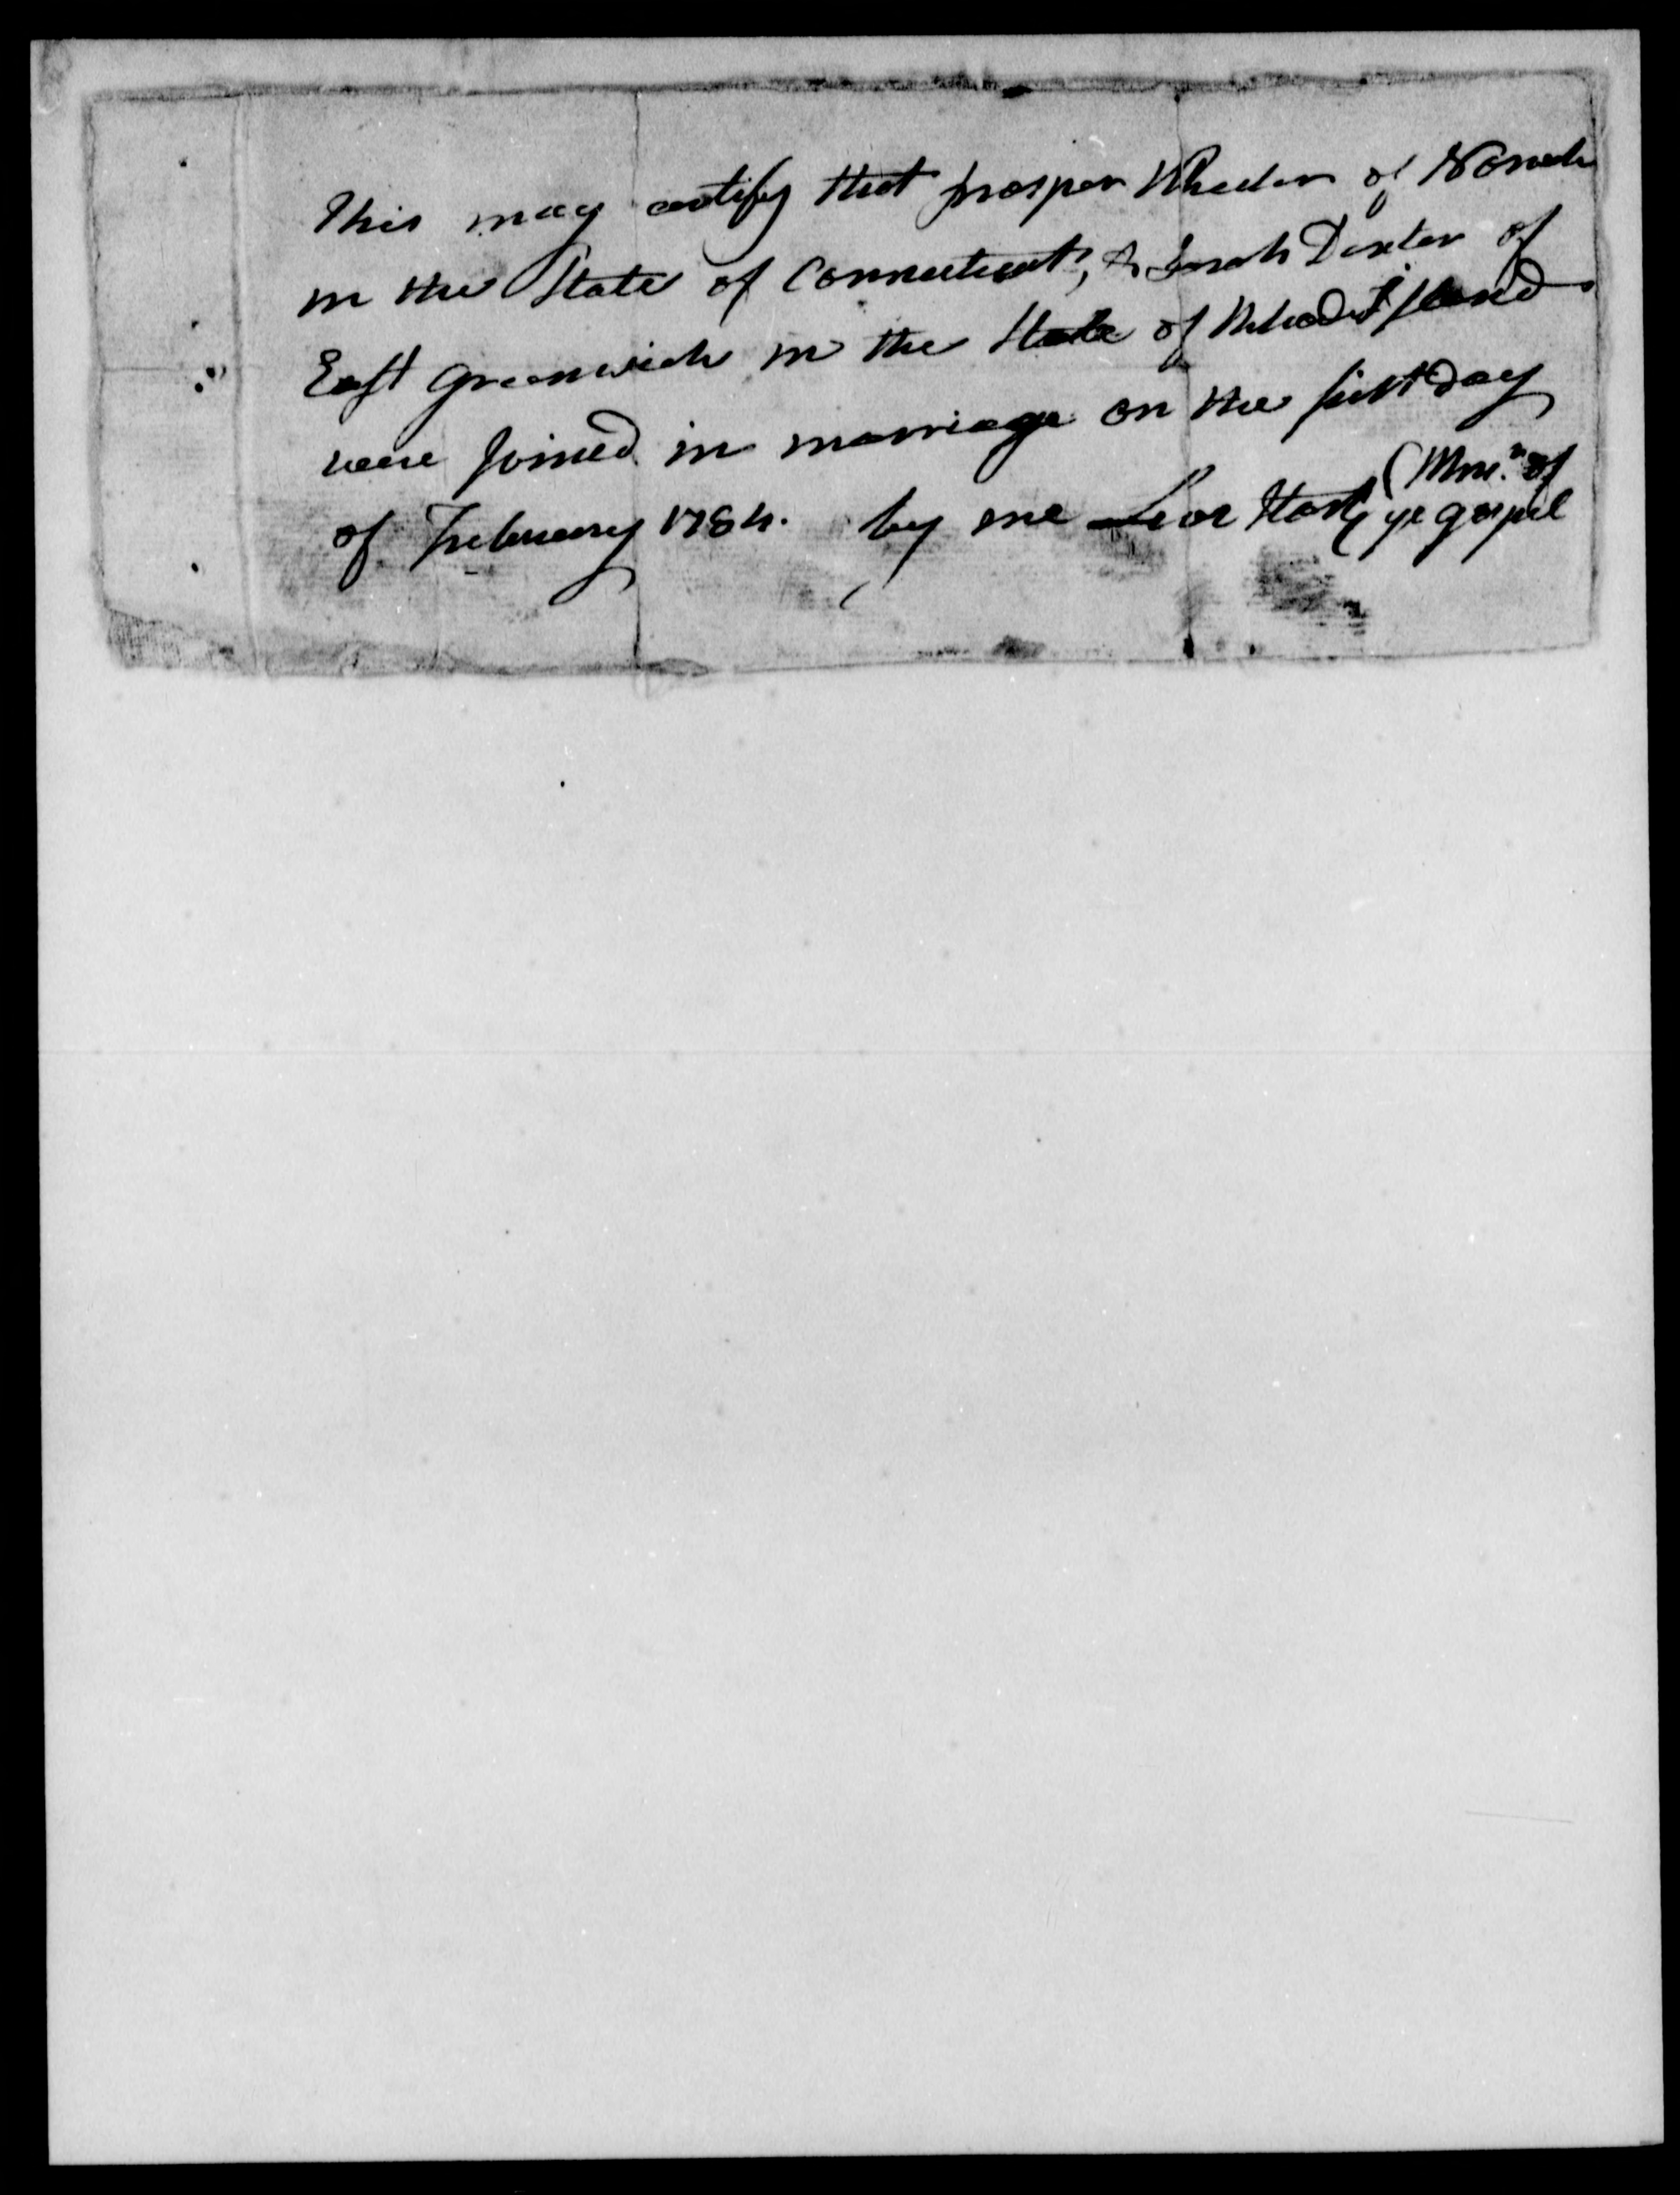This may certify that Prosper Wheeler of Hamden[sp] in the State of Connecticut, & Sarah Dexter of East Greenwich in the State of Rhode Island  were joined in marriage on the first day of February 1784. by me  Leon Hart (Mini'r [Minister] of ye gospel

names: Prosper Wheeler, Levi Hart, Sarah Dexter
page: 18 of 29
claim: widow's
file: W. 22604, Prosper Wheeler, Conn.